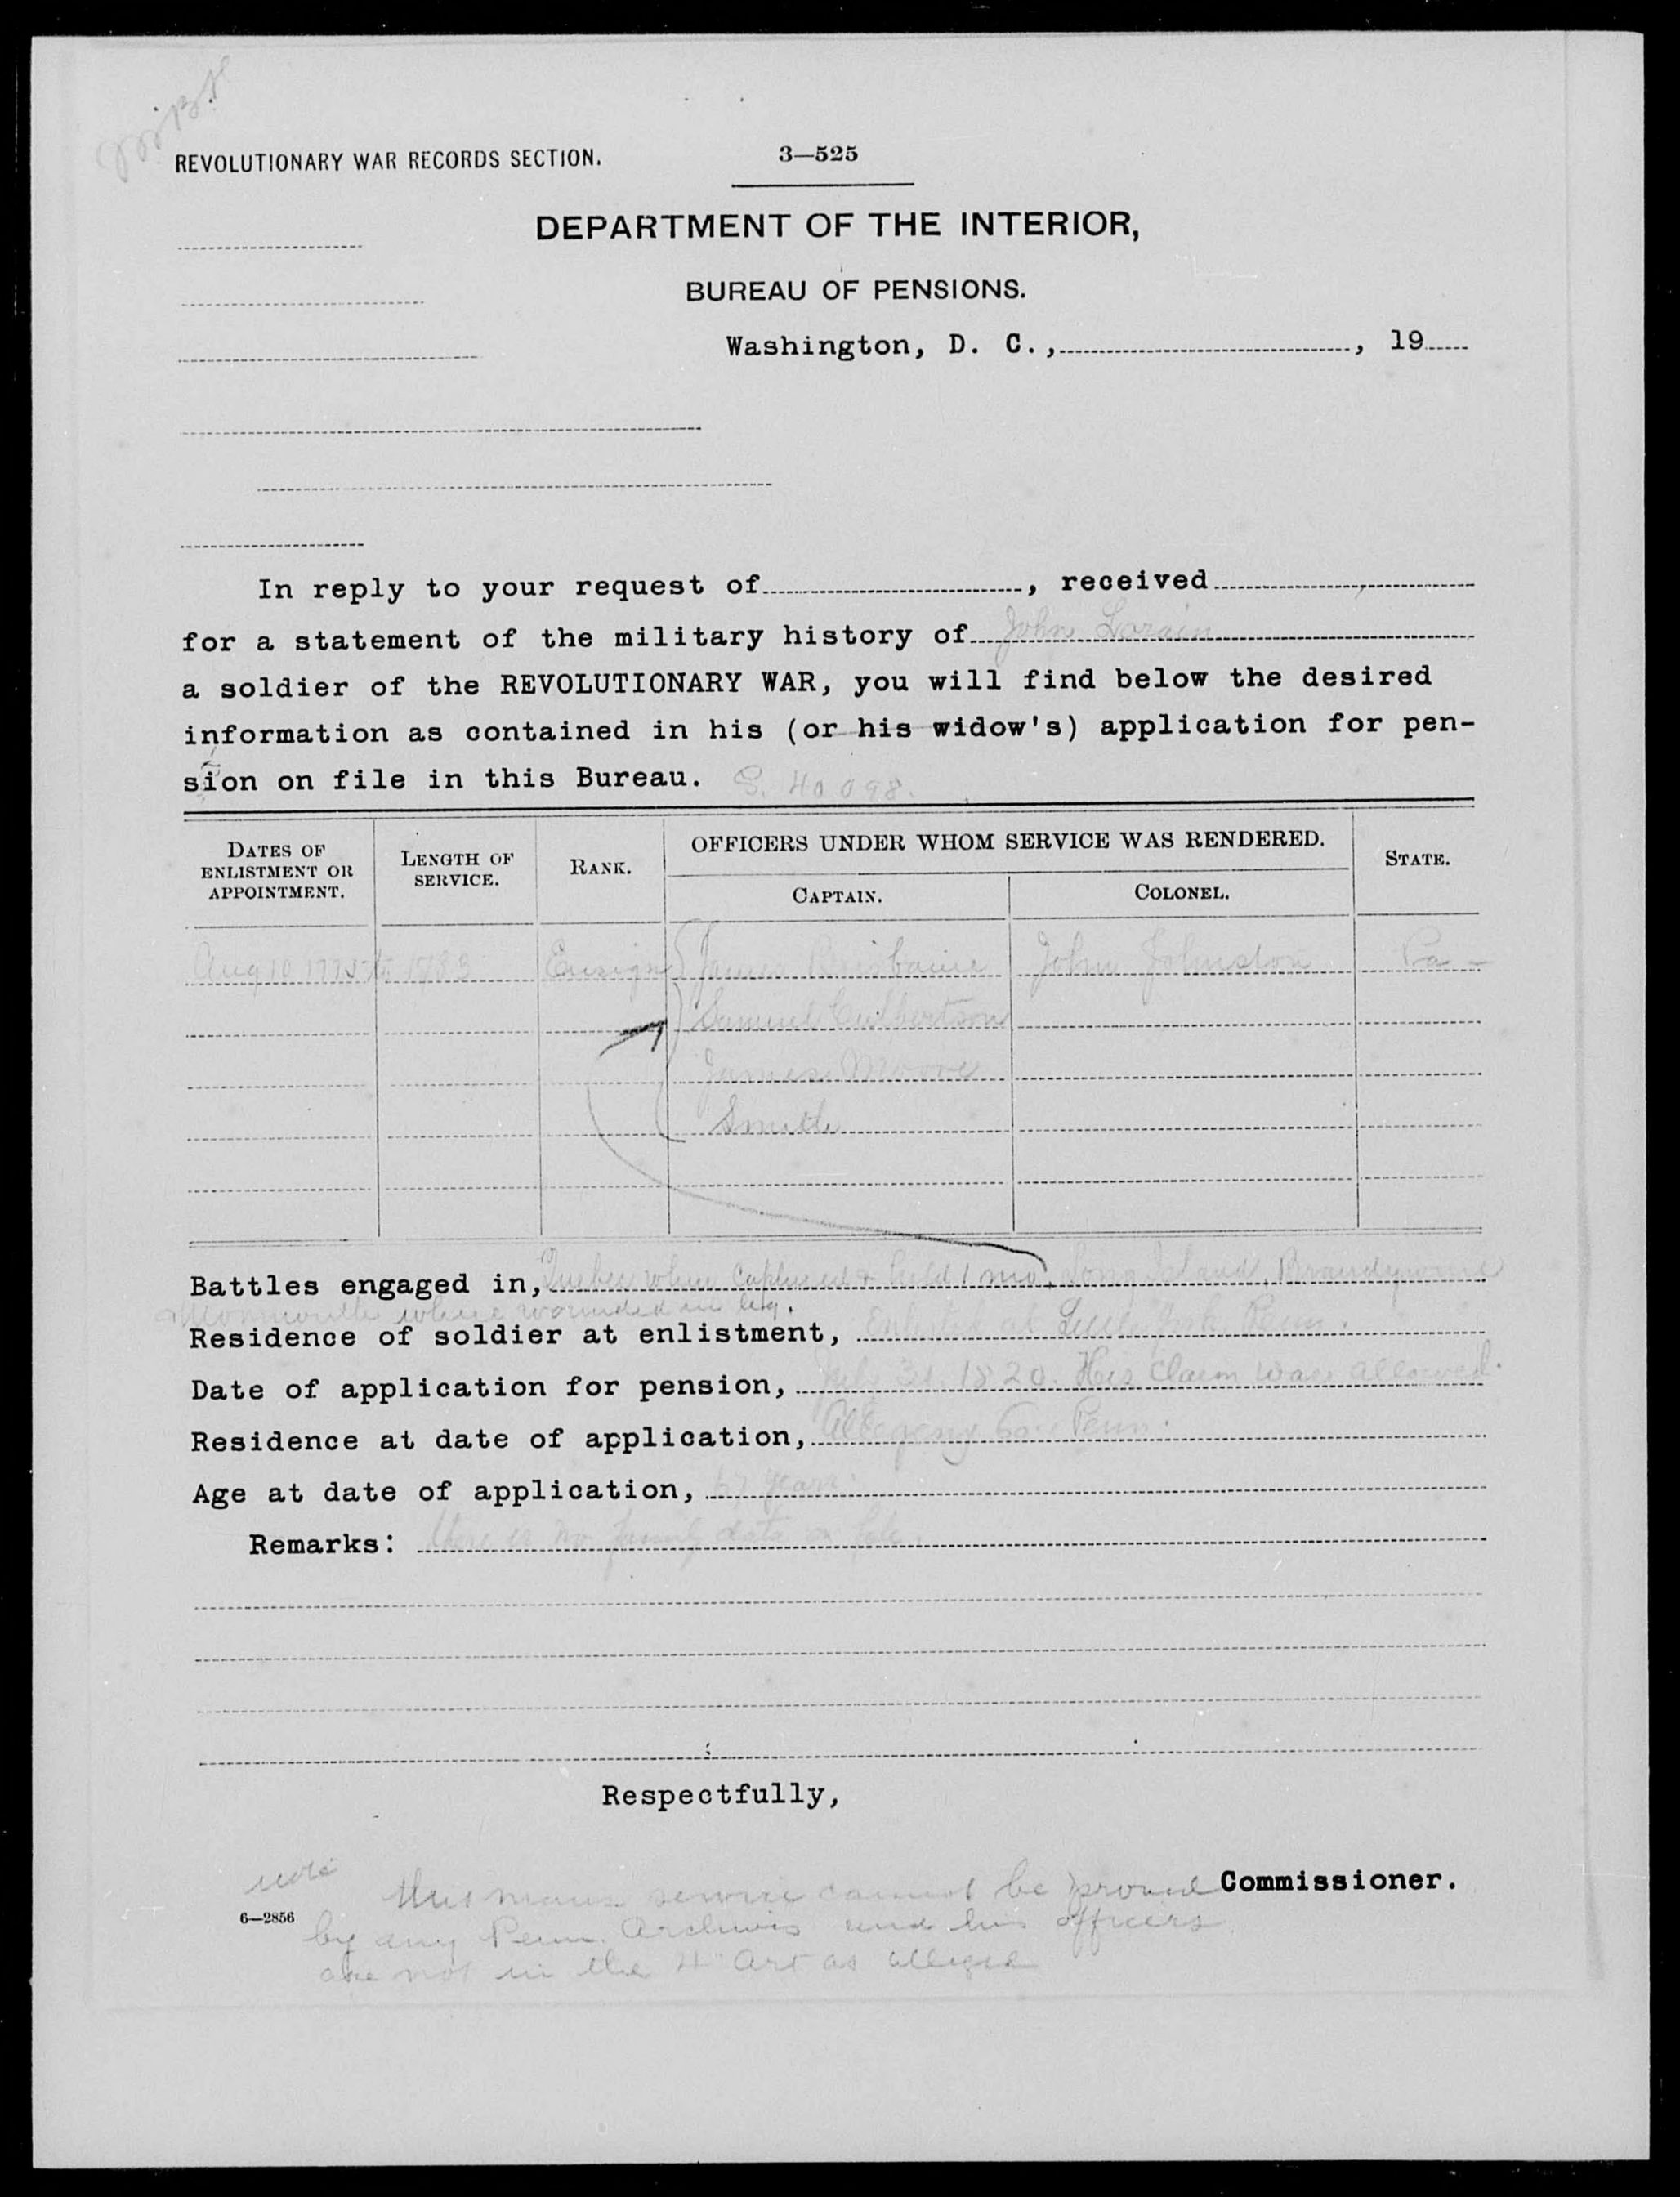(handwritten sections illegible)
    
          REVOLUTIONARY WAR RECORDS SECTION
                               3-525
                          ______________
        DEPARTMENT OF THE INTERIOR,
             BUREAU OF PENSIONS.
                    Washington, D. C., __________19__

     In reply to your request of _____, received ____
for a statement of the military history of John Lorain a soldier of the REVOLUTIONARY WAR, you will find below the desired information as contained in his (or his widow's) application for pension on file in this Bureau.  S 40098
_________________________________________________

                                              OFFICERS UNDER WHOM 
                                                 SERVICE WAS RENDERED
DATES OF  LENGTH OF   RANK  CAPTAIN   COLONEL   STATE
_____________________________________________________________









Battles engaged in,_________
Residence of soldier at enlistment,_____________
Date of application for pension, _______________
Resident at date of application,________________
Age at date of application _____________
     Remarks:_________

                                    Respectfully,

                                                      Commissioner.
6-2856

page: 21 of 21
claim: survivor's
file: S. 40,098, for John Lorain, Pennsylvania